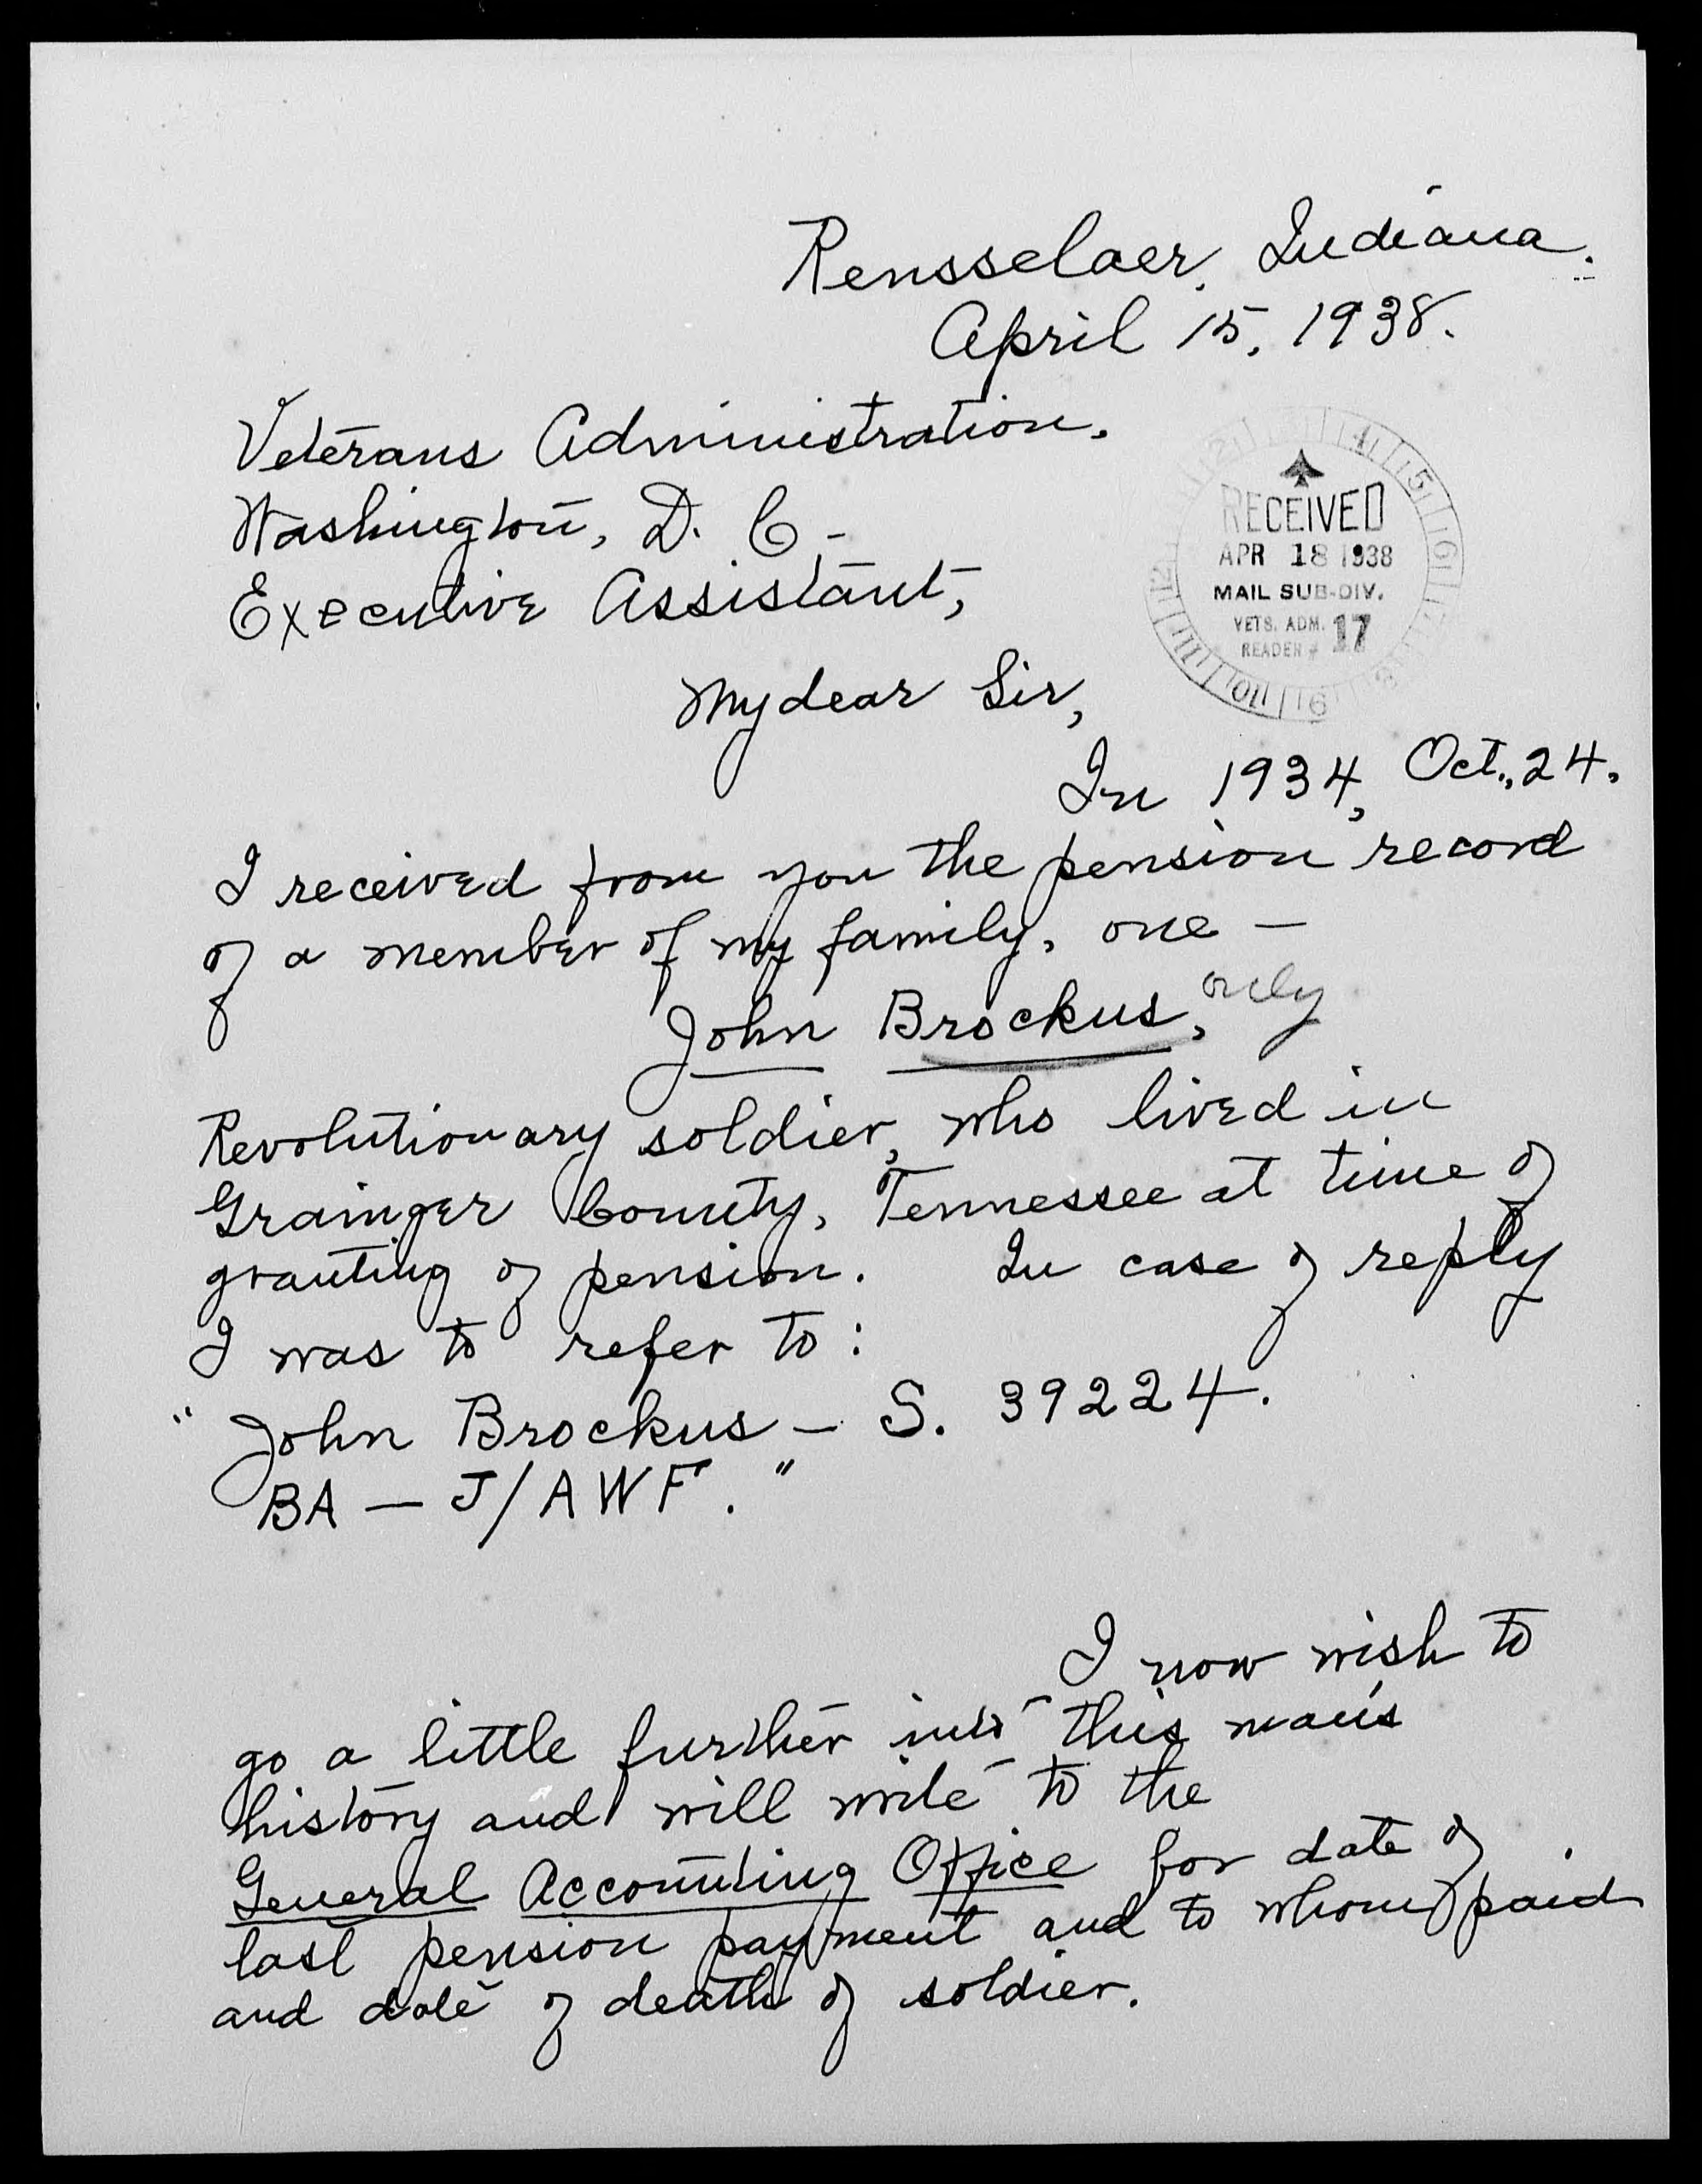Rensselaer, Indiana.
April 15, 1938
Veterans Administration
Washington, D.C.
Executive Assistant,
My dear Sir,
In 1934, Oct., 24, I received from you the pension record of a member of my family , one John Brockus, only Revolutionary soldier, who lived in Grainger County, Tennessee at time of granting of pension.  In case of reply I was to refer to:
"John Brockus - S. 39224. BA - J/AWF."
I now wish to go a little further into this man's history and will write to the General Accounting Office for date of last pension payment and to whom paid and date of death of soldier.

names: John Brockus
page: 16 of 19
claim: survivor's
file: S. 39,224, John Brockus, Va.